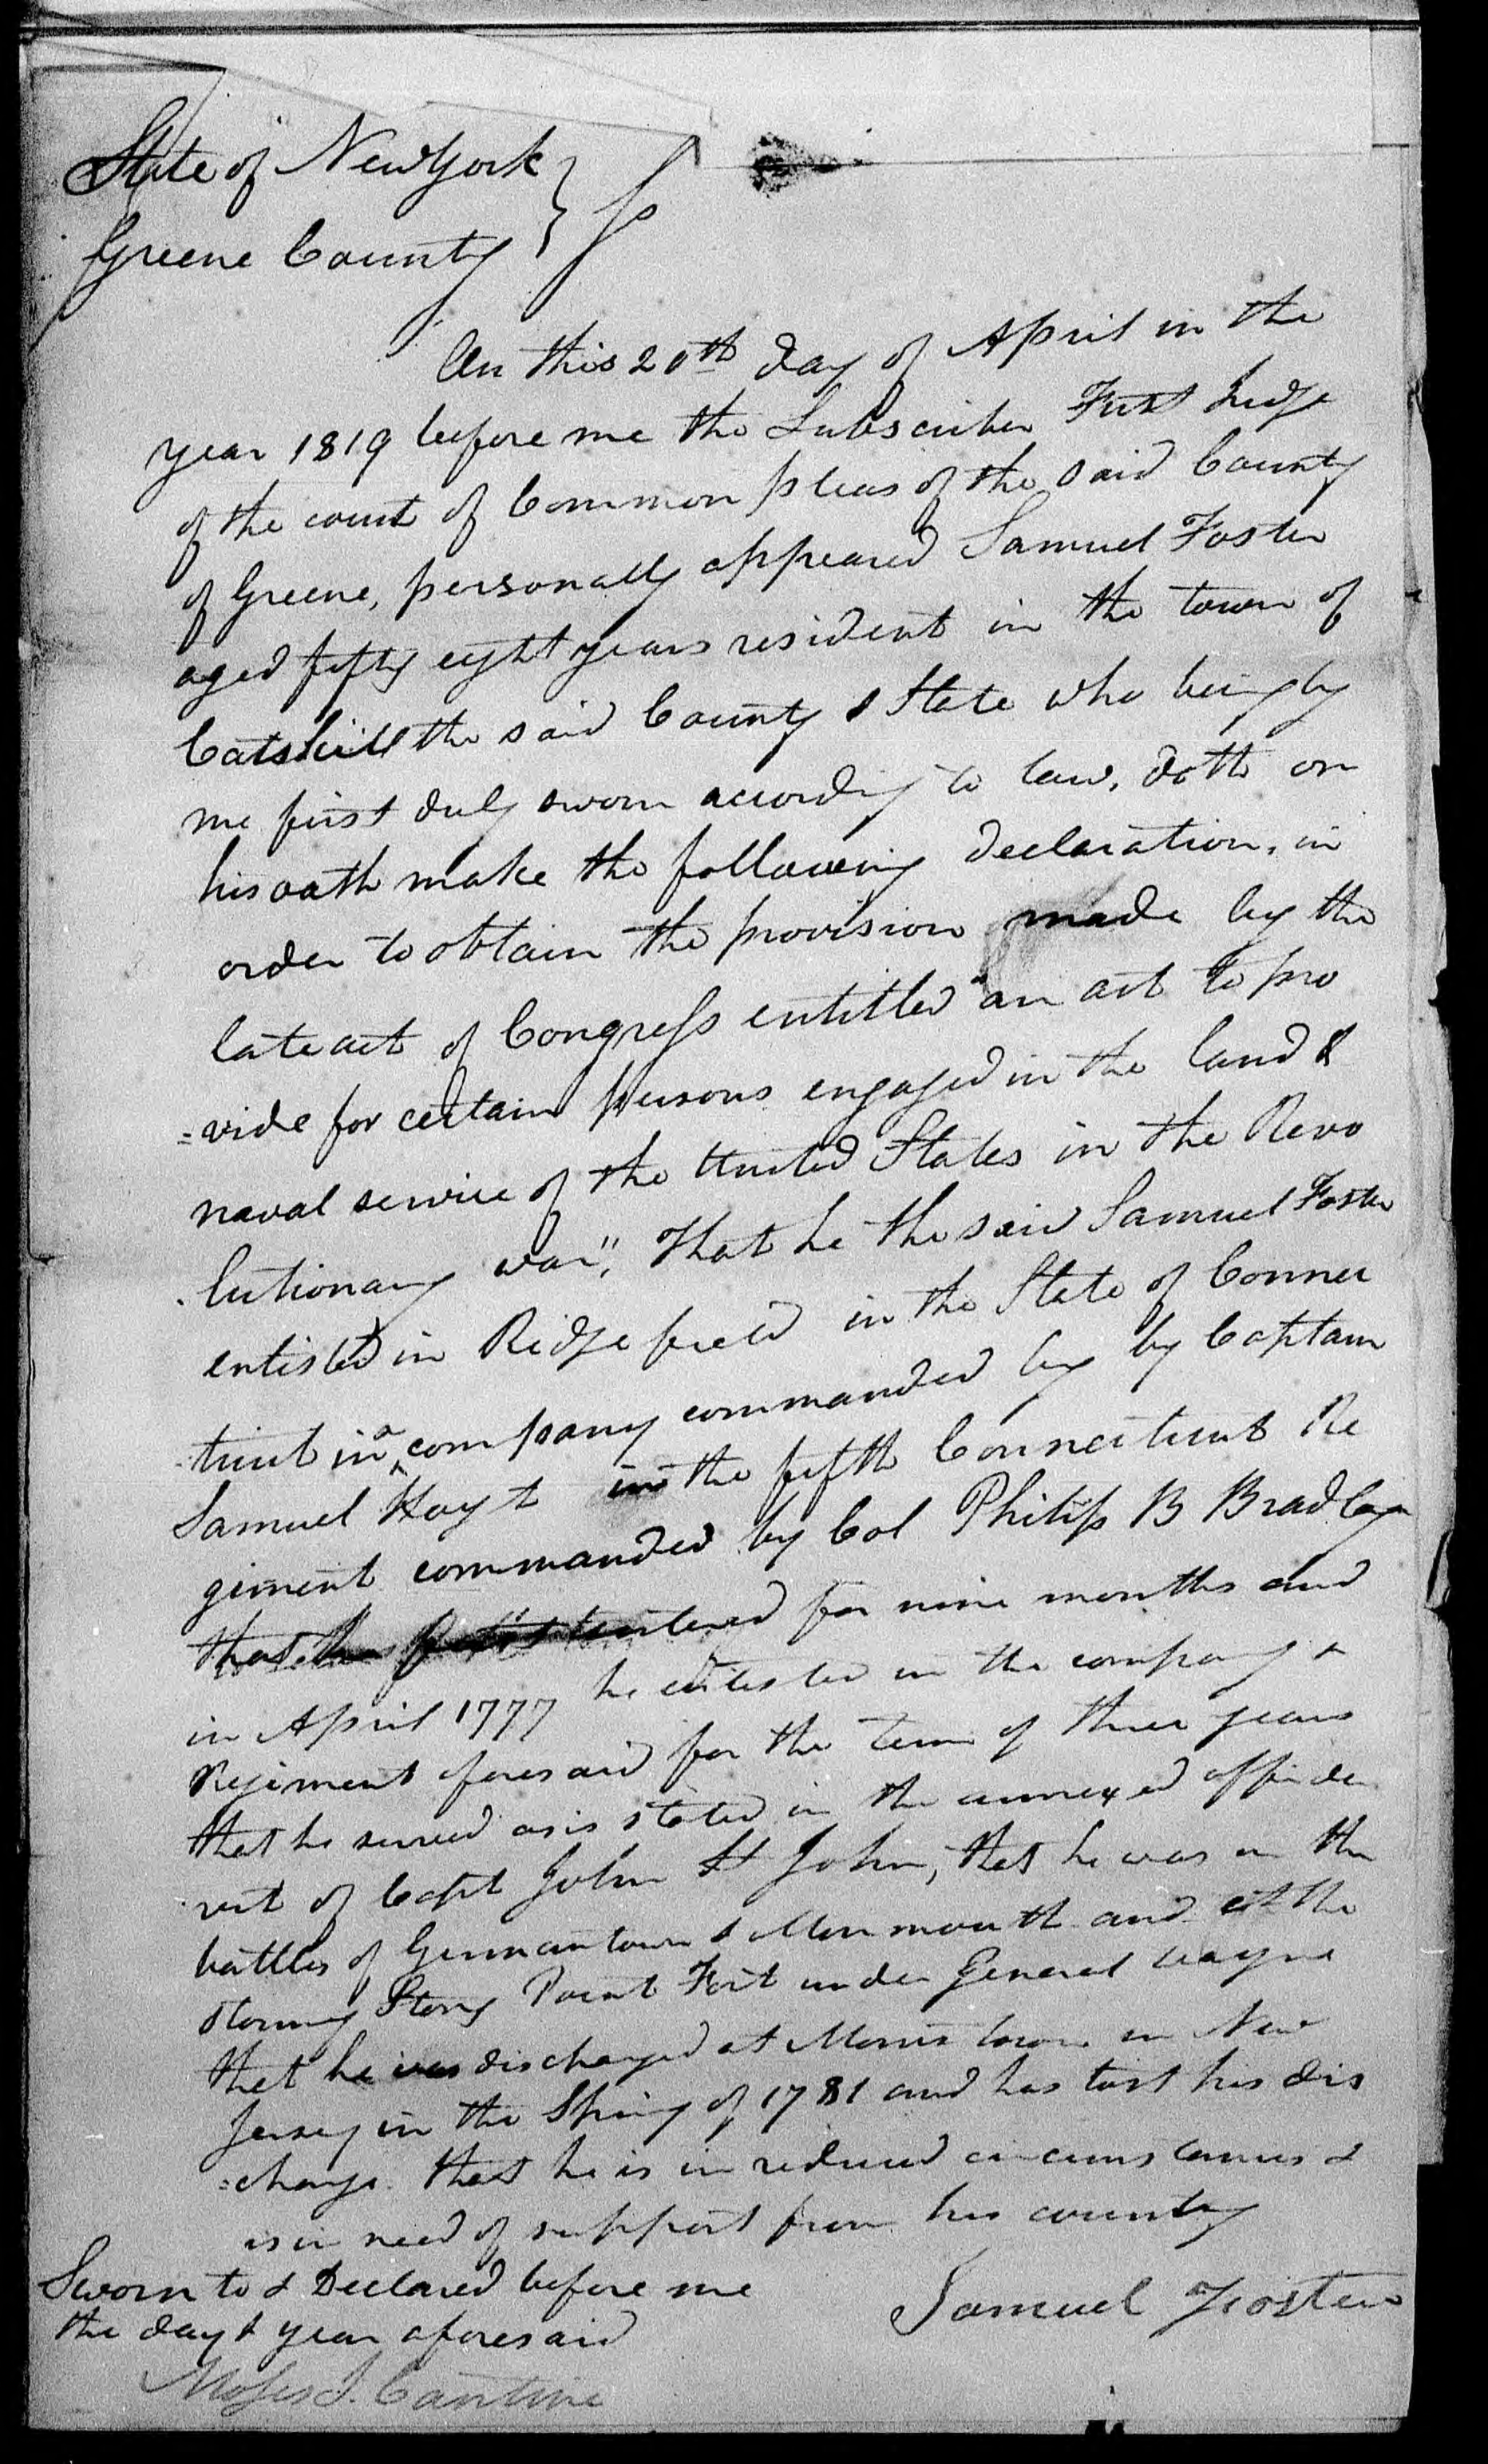State of New York Greene County } ss
On this 20th day of April in the year 1819 before me the Subscriber First Judge of the court of Common Pleas of the said County of Greene, personally appeared Samuel Foster aged fifty eight years resident in the town of Catskill the said County & State who being by me first duly sworn according to law, doth on his oath make the following declaration, in order to obtain the provision made by the late act of Congress entitled an act to pro=vide for certain persons engaged in the land & naval service of the United States in the Revo-lutionary war," That he the said Samuel Foster enlisted in Ridgefield in the State of Connec-ticut in [caret] a company commanded by by Captain Samuel Hoyt in the fifth Connecticut Regiment commanded by Col Philip B Bradley that [illegible ink smeared] for nine months and in April 1777 he enlisted in the company & Regiment aforesaid for the term of their years that he served as is stated in the annexed affida-vit of Germantown & Monmouth and at the [illegible] Stony Point Fort under General Wayne that his was discharge at Morristown in New Jersey in the Spring of 1781 and he has lost his dis=charge. that he is in reduced circumstances & is in need of support from his country
[signed] Samuel Foster
Sworn to & Declared before me the day & year aforesaid
[signed] Moses J. Cantine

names: John St John, Samuel Foster, Moses J Cantine, Samuel Foster, Samuel Foster, Philip B Bradley, Wayne, Samuel Hoyt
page: 28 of 54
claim: survivor's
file: S. 13,043, Samuel Foster, Conn.